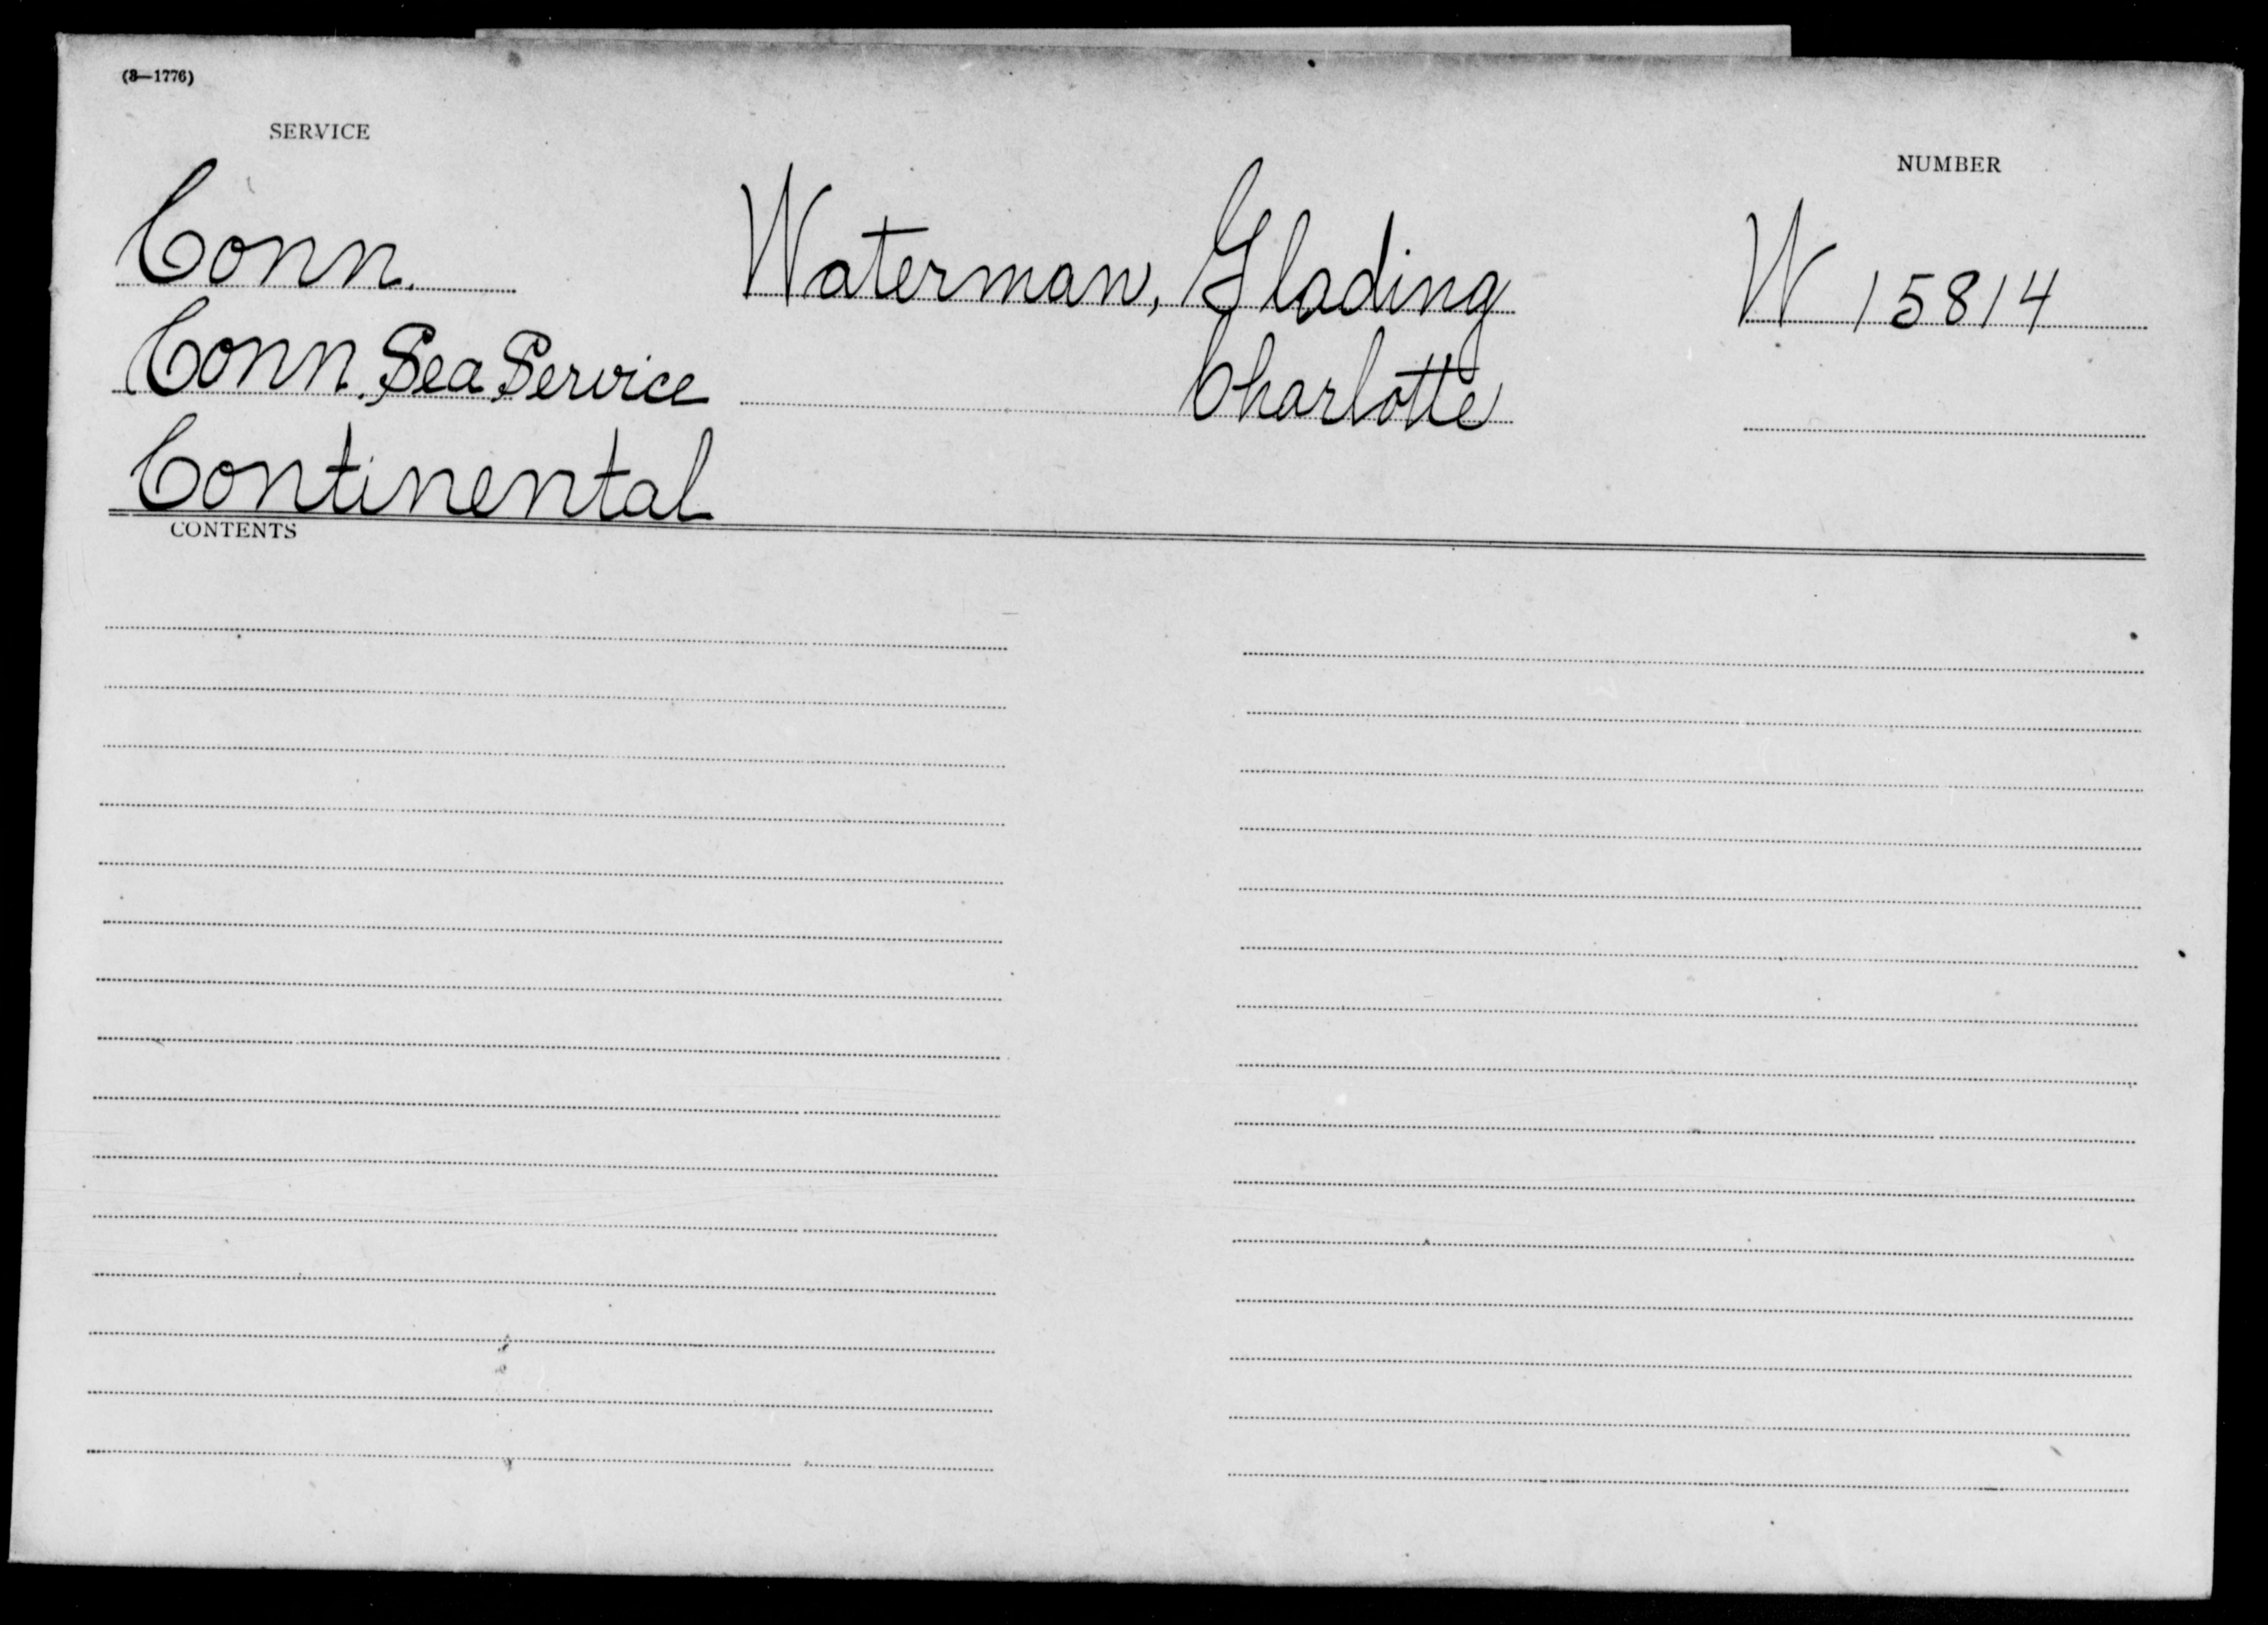Conn. 
Conn. Sea Service 
Continental 

Waterman, Glading  
Charlotte

W. 15814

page: 1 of 50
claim: widow's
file: W. 15814, Glading Waterman, Conn. Conn. Sea Service Continental